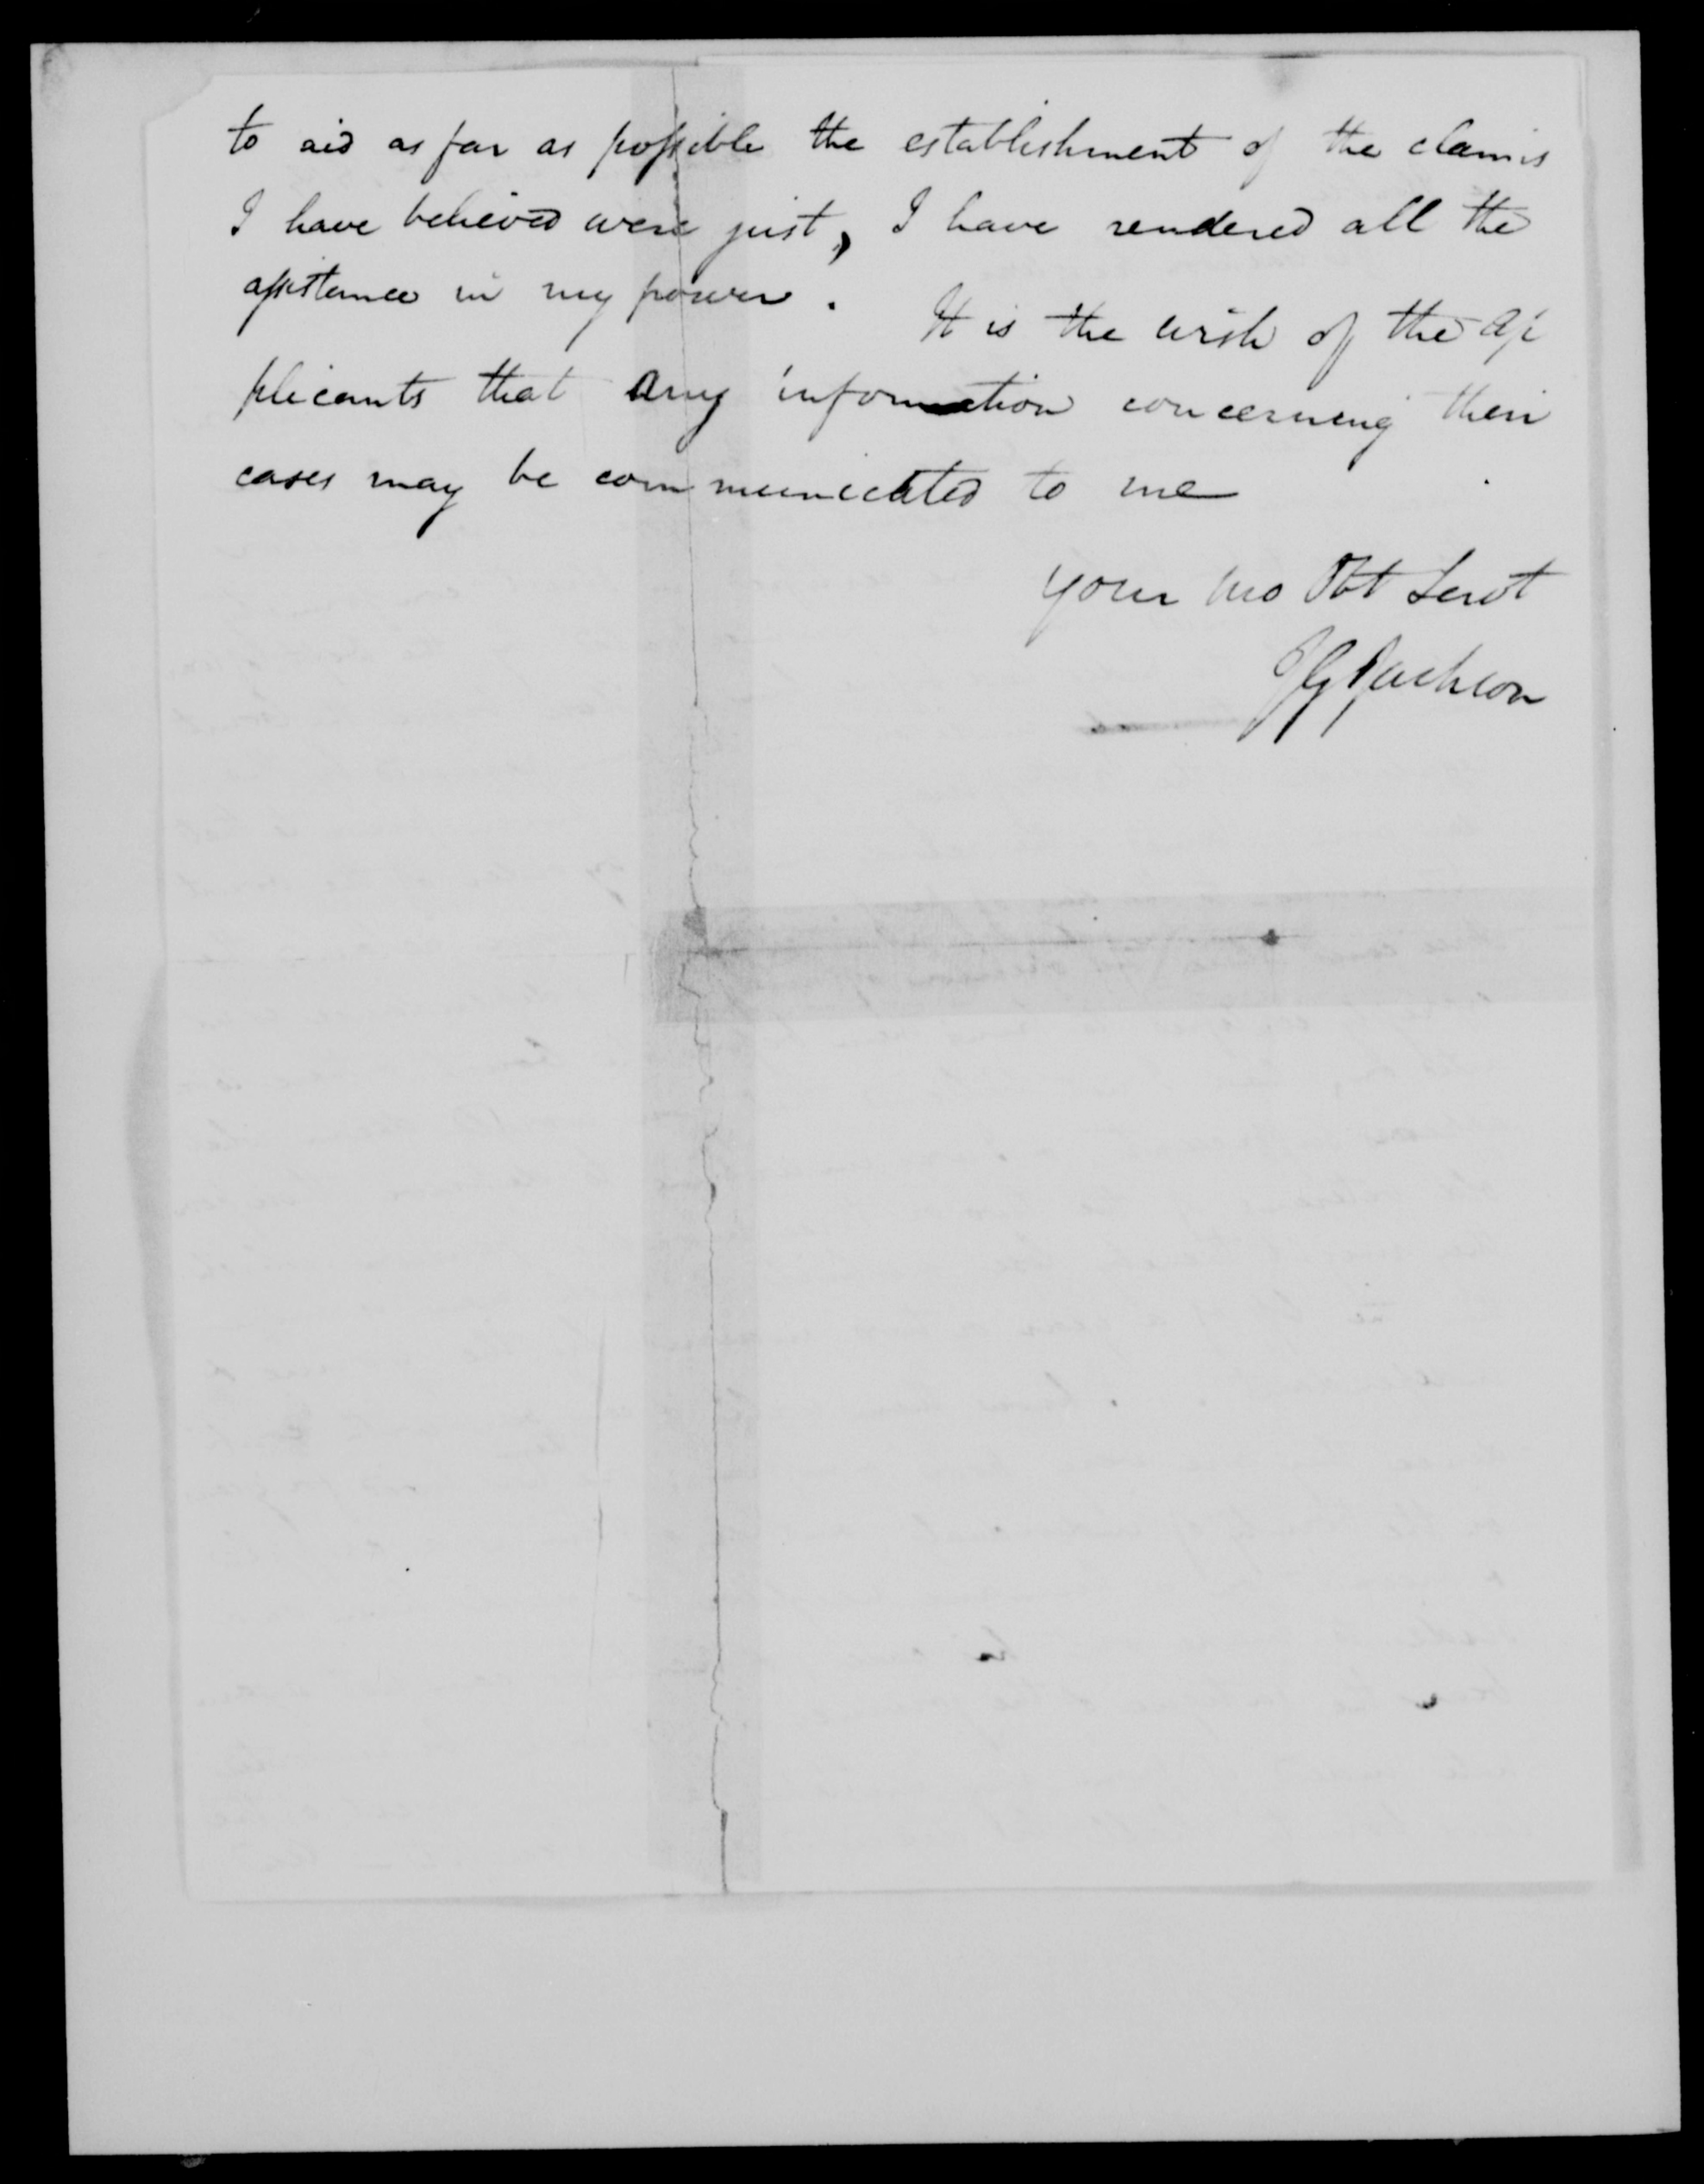to aid as far as possible the establishment of the claims I have believed were just, I have rendered all the assistance in my power. It is the wish of the Applicants that any information concerning these cases may be communicated to me
Your mo Obt Servt
J G Jackson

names: J G Jackson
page: 13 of 19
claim: survivor's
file: S. 38,409, for John Stackhouse, Virginia